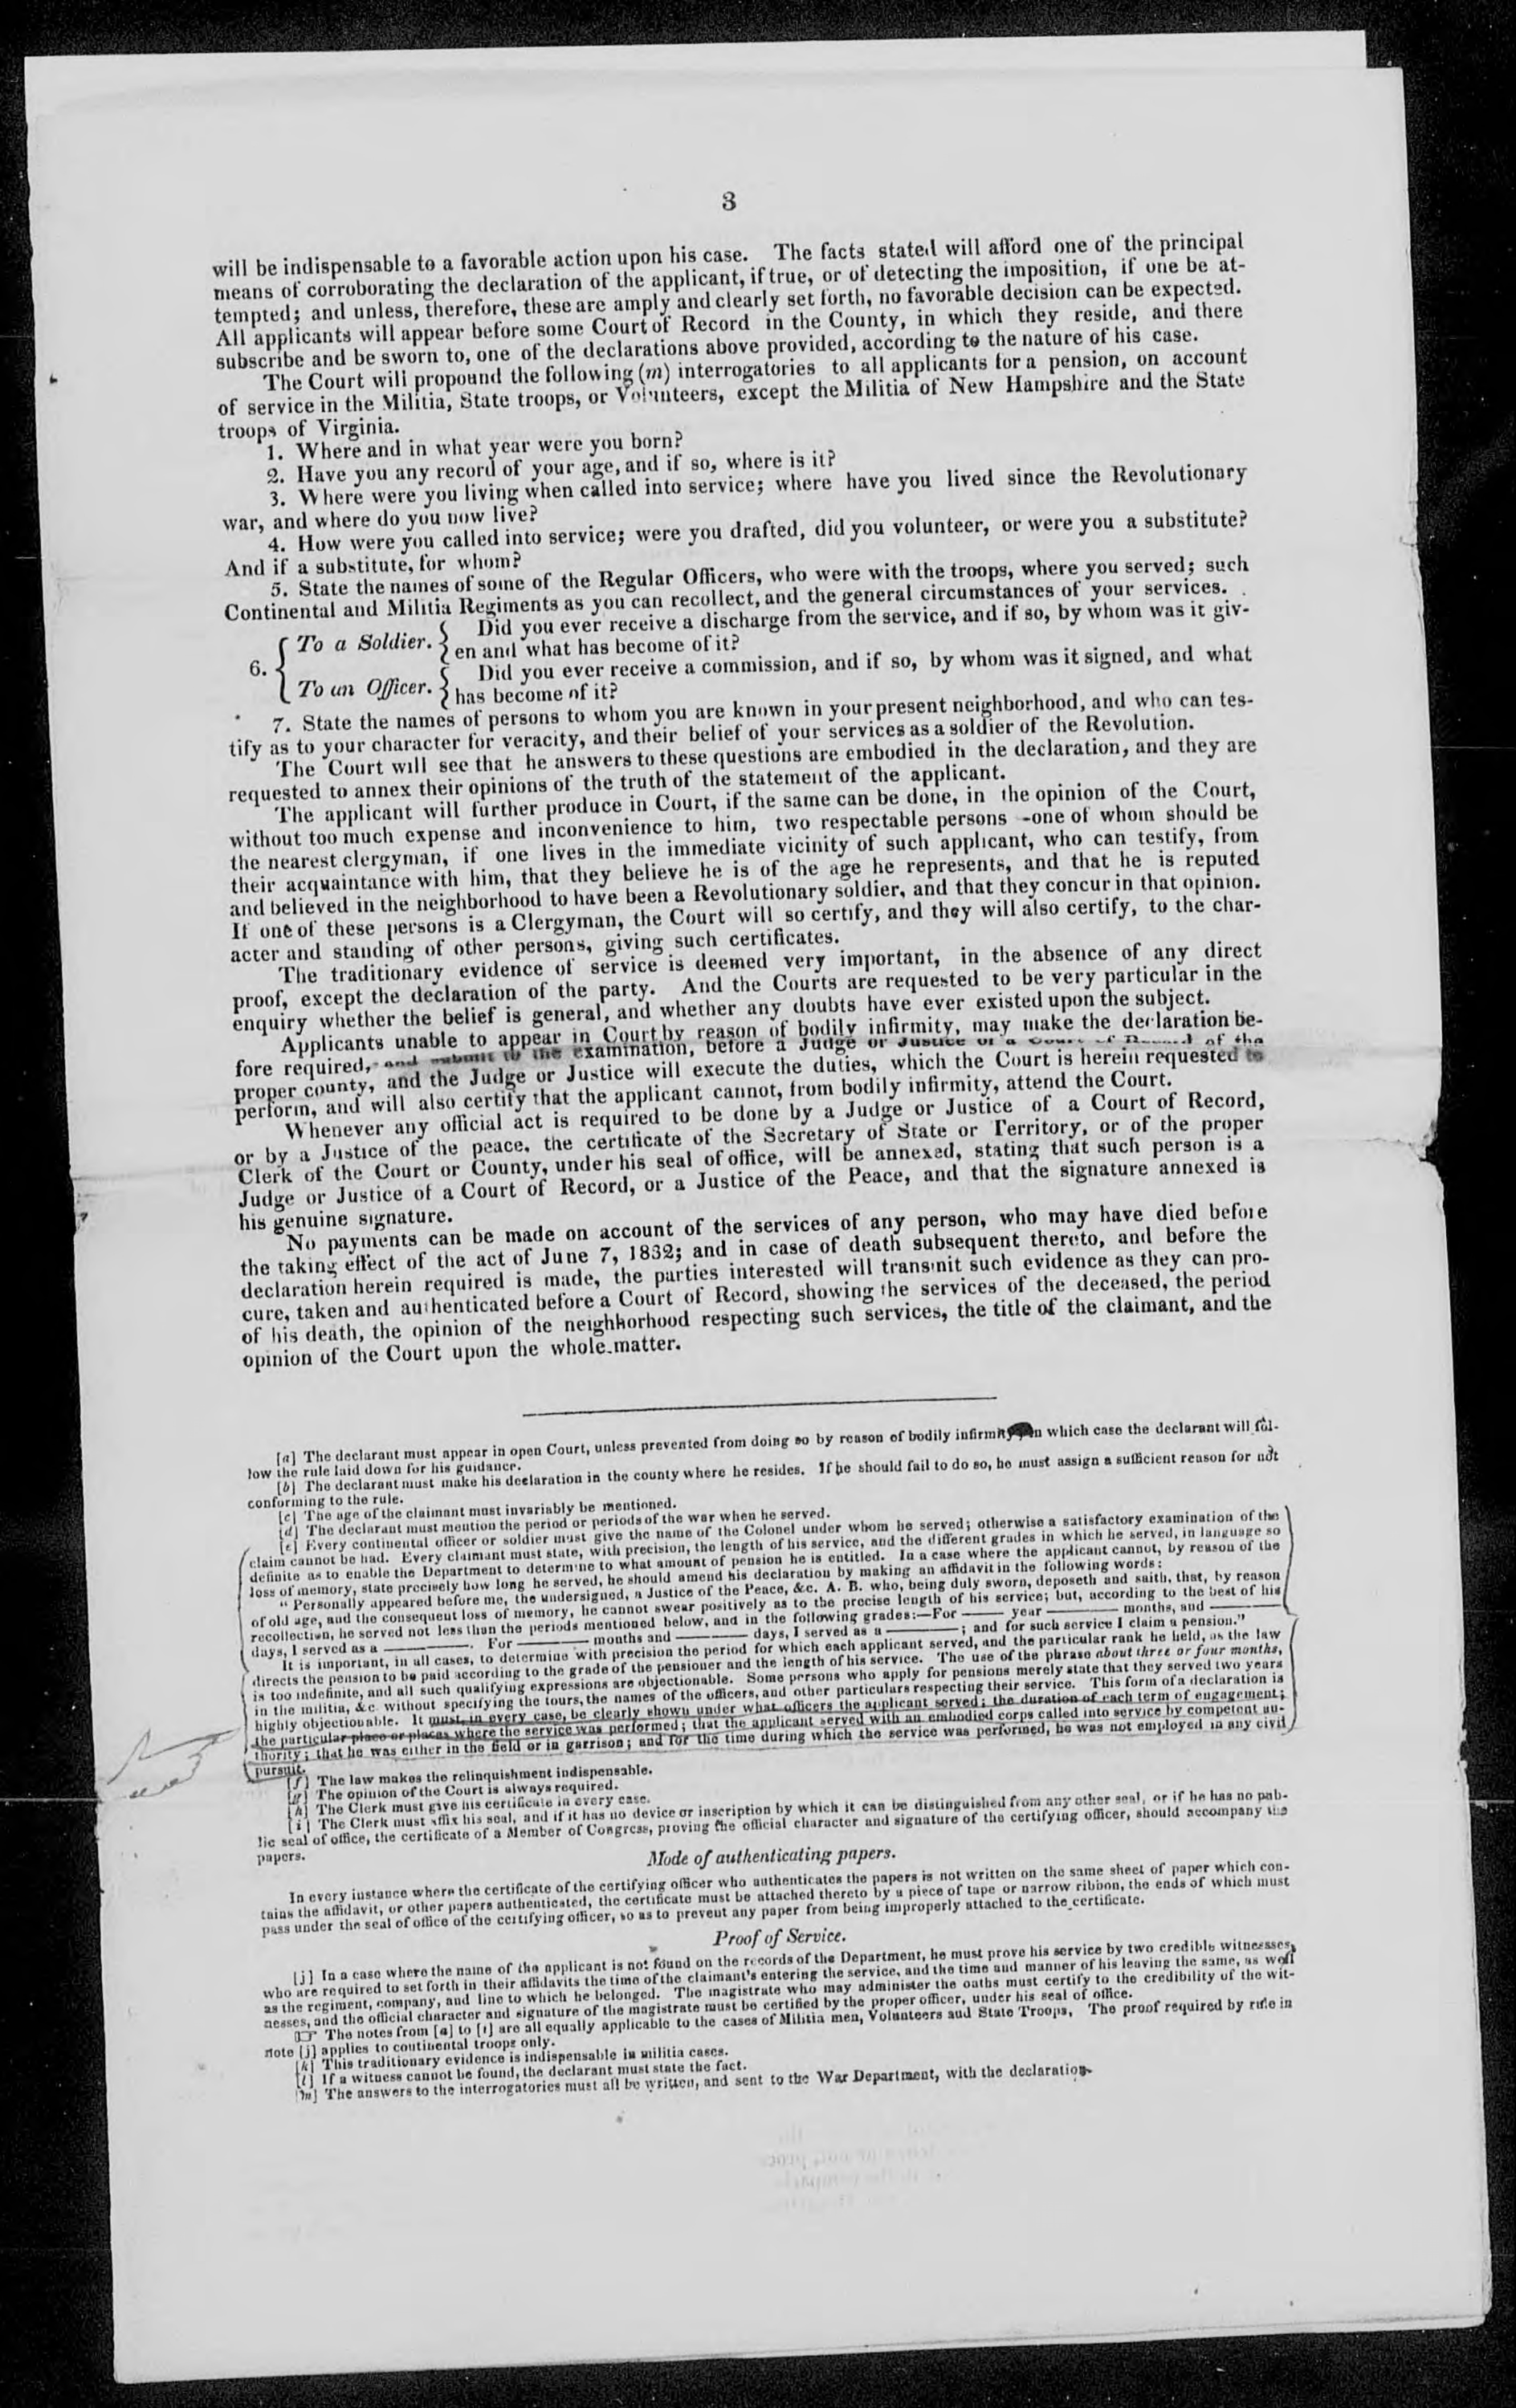(continued from previous page.)
will be indispensable to a favorable action upon his case. The facts state I will afford one of the principal means of corroborating the declaration of the applicant, if true, or of detecting the imposition, if one be attempted; and unless, therefore, these are amply and clearly set forth, no favorable decision can be expected. All applicants will appear before some Court of Record in the County, in which they reside, and there subscribe and be sworn to, one of the declarations above provided, according to the nature of his case. 
       The Court will propound the following (m) interrogatories to all applicants for a pension, an account of service in the Militia, State troops, or Volunteers, except the Militia of New Hampshire and the State troops of Virginia. 
1.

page: 15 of 51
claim: survivor's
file: S. 12563, Severinus Cook, New York